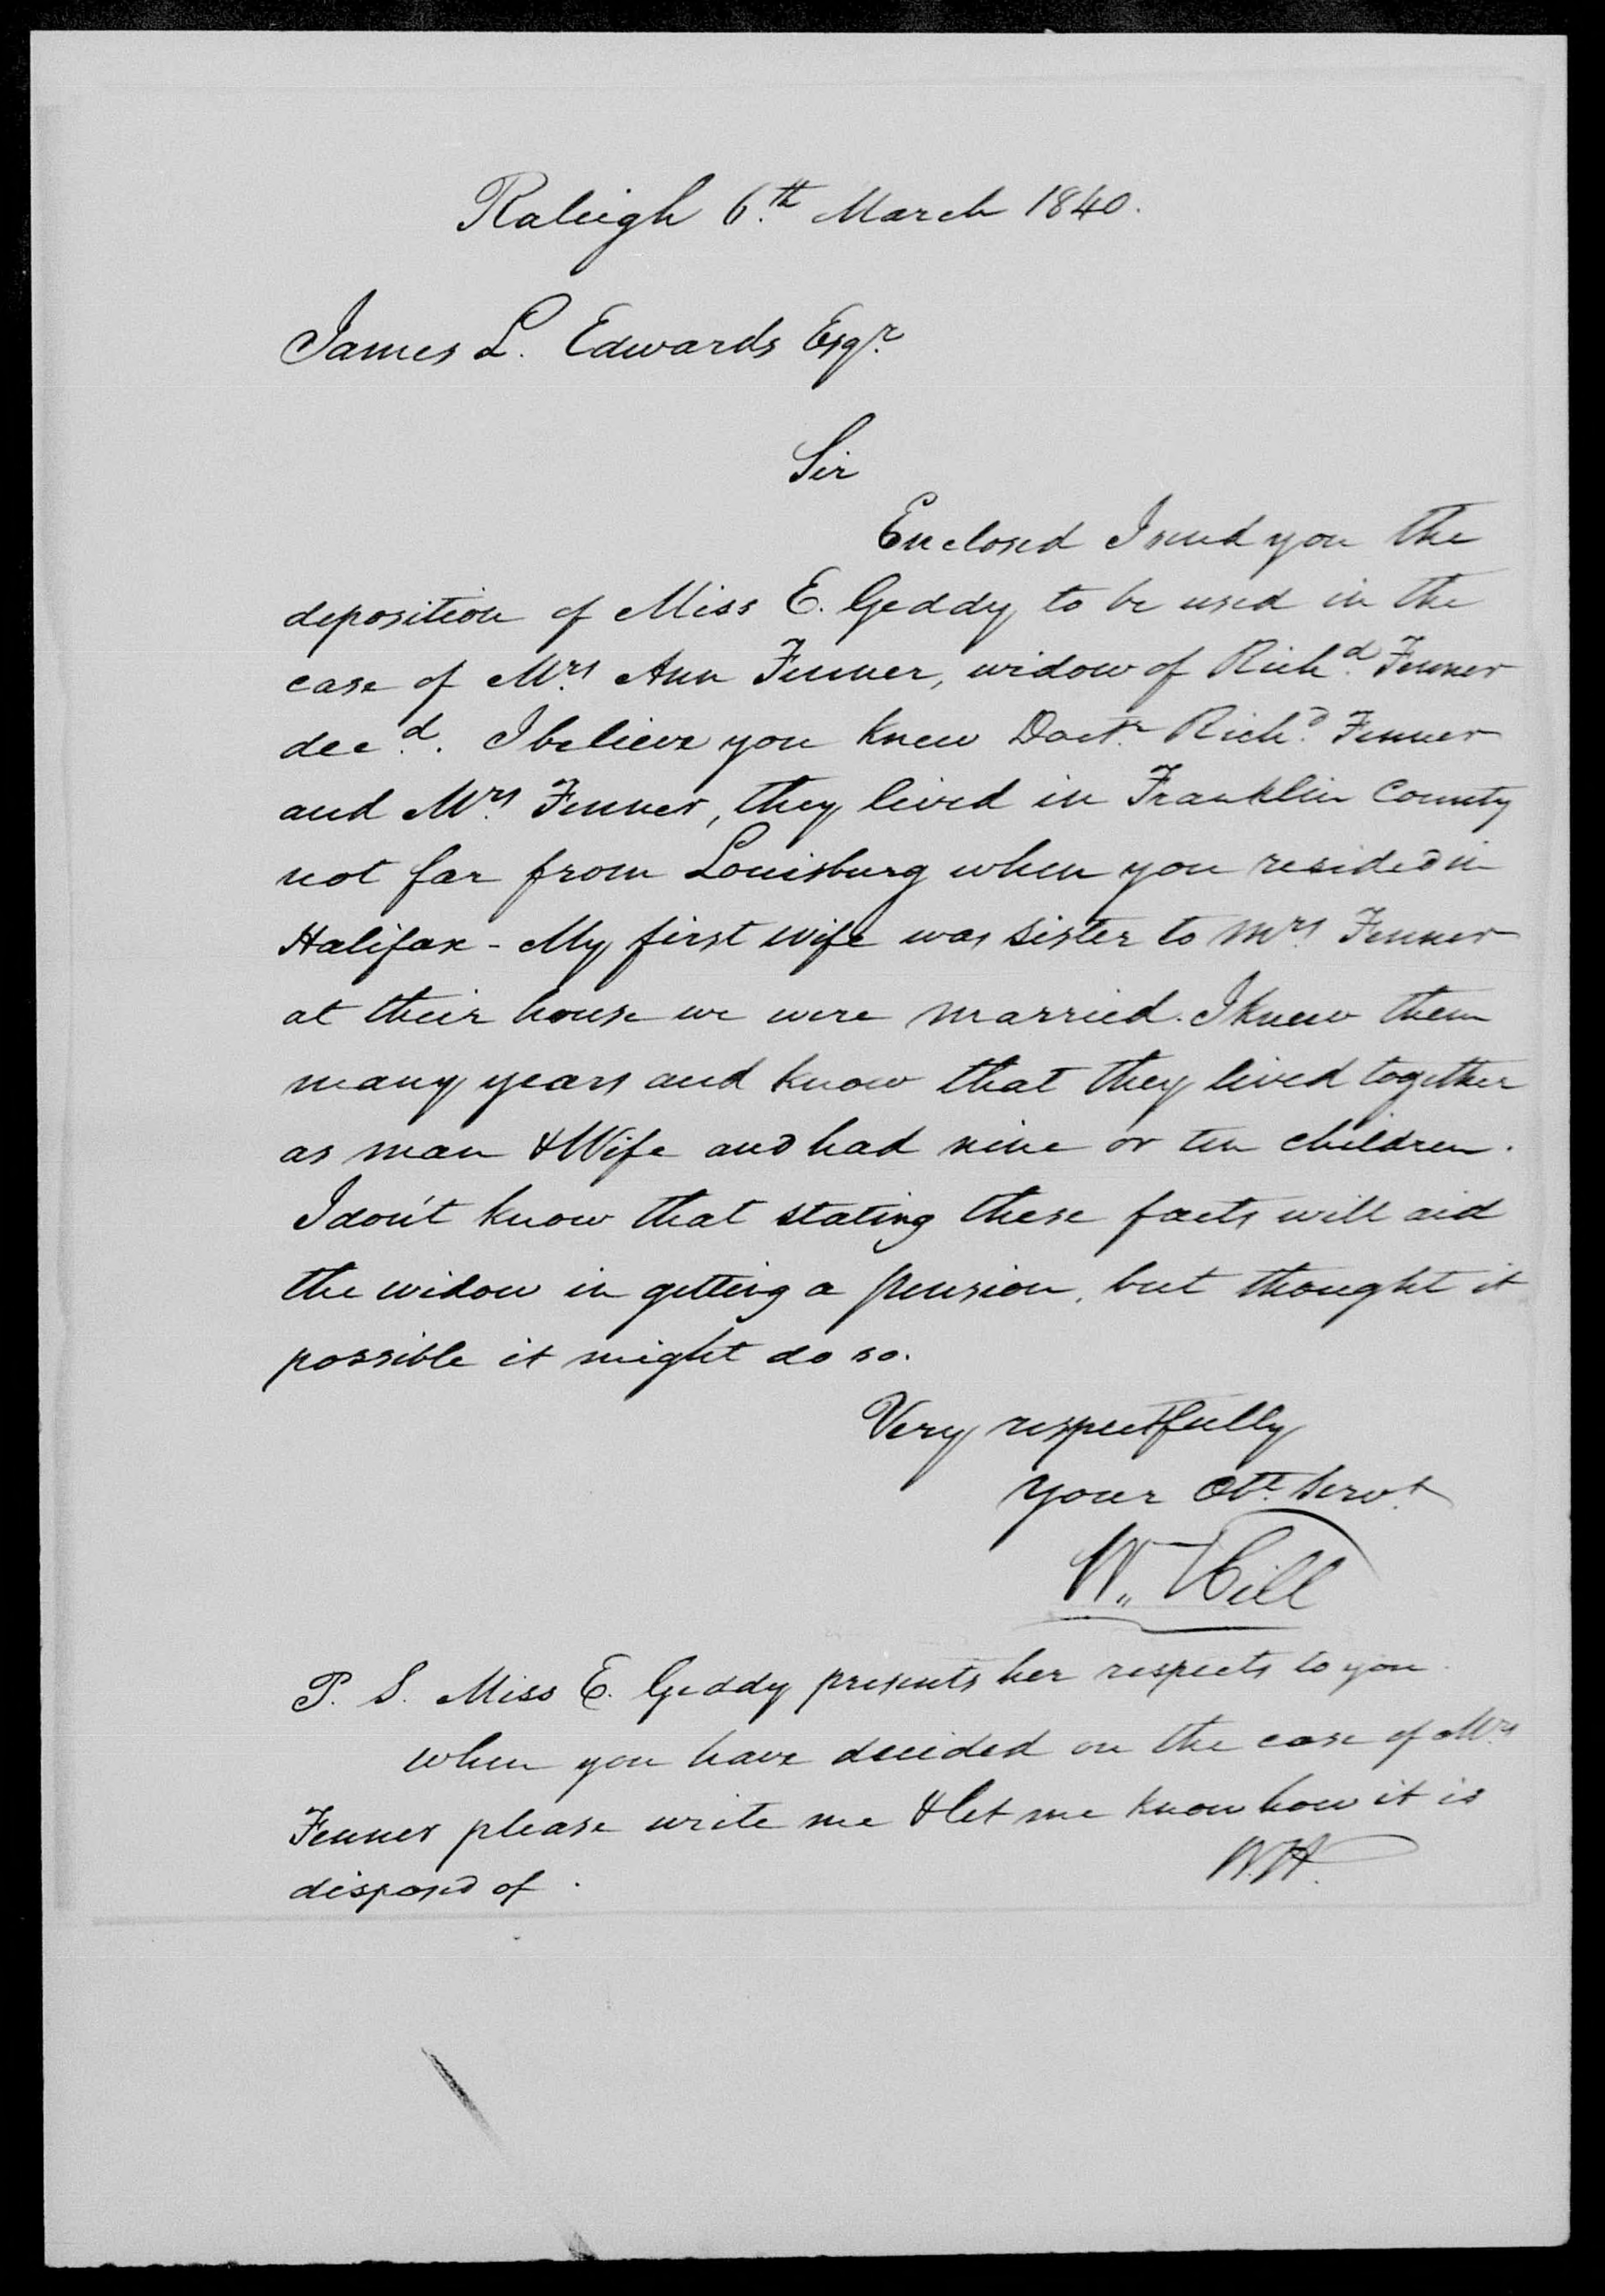Raleigh 6th March 1840

James L. Edwards Esqr.

Sir

Enclosed I send you the deposition of Miss E. Geddy to be used in the case of Mrs. Ann Fenner, widow of Ricd. Fenner decd. I believe you knew Doct. Richd. Fenner and Mrs. Fenner, they lived in Franklin County not far from Louisburg when you resided in Halifax. My first wife was sister to Mrs. Fenner at their house we were married. I knew them many years and know that they lived together as man & wife and had nine of ten children. I don't know that stating these facts will aid the widow in getting a pension but thought it possible it might do so.

Very respectfully your obt. servt.,
W. Hill

P.S. Miss E. Geddy presents her respects to you.

When you have decided on the case of Mrs. Fenner please write me & let me know how it is disposed of.

W.H.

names: Richd Fenner, Fenner, Fenner, James L Edwards, Ann Fenner, Fenner, E Geddy, Richd Fenner, W Hill, E Geddy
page: 24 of 39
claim: widow's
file: W. 789, Richard Fenner, N.C.